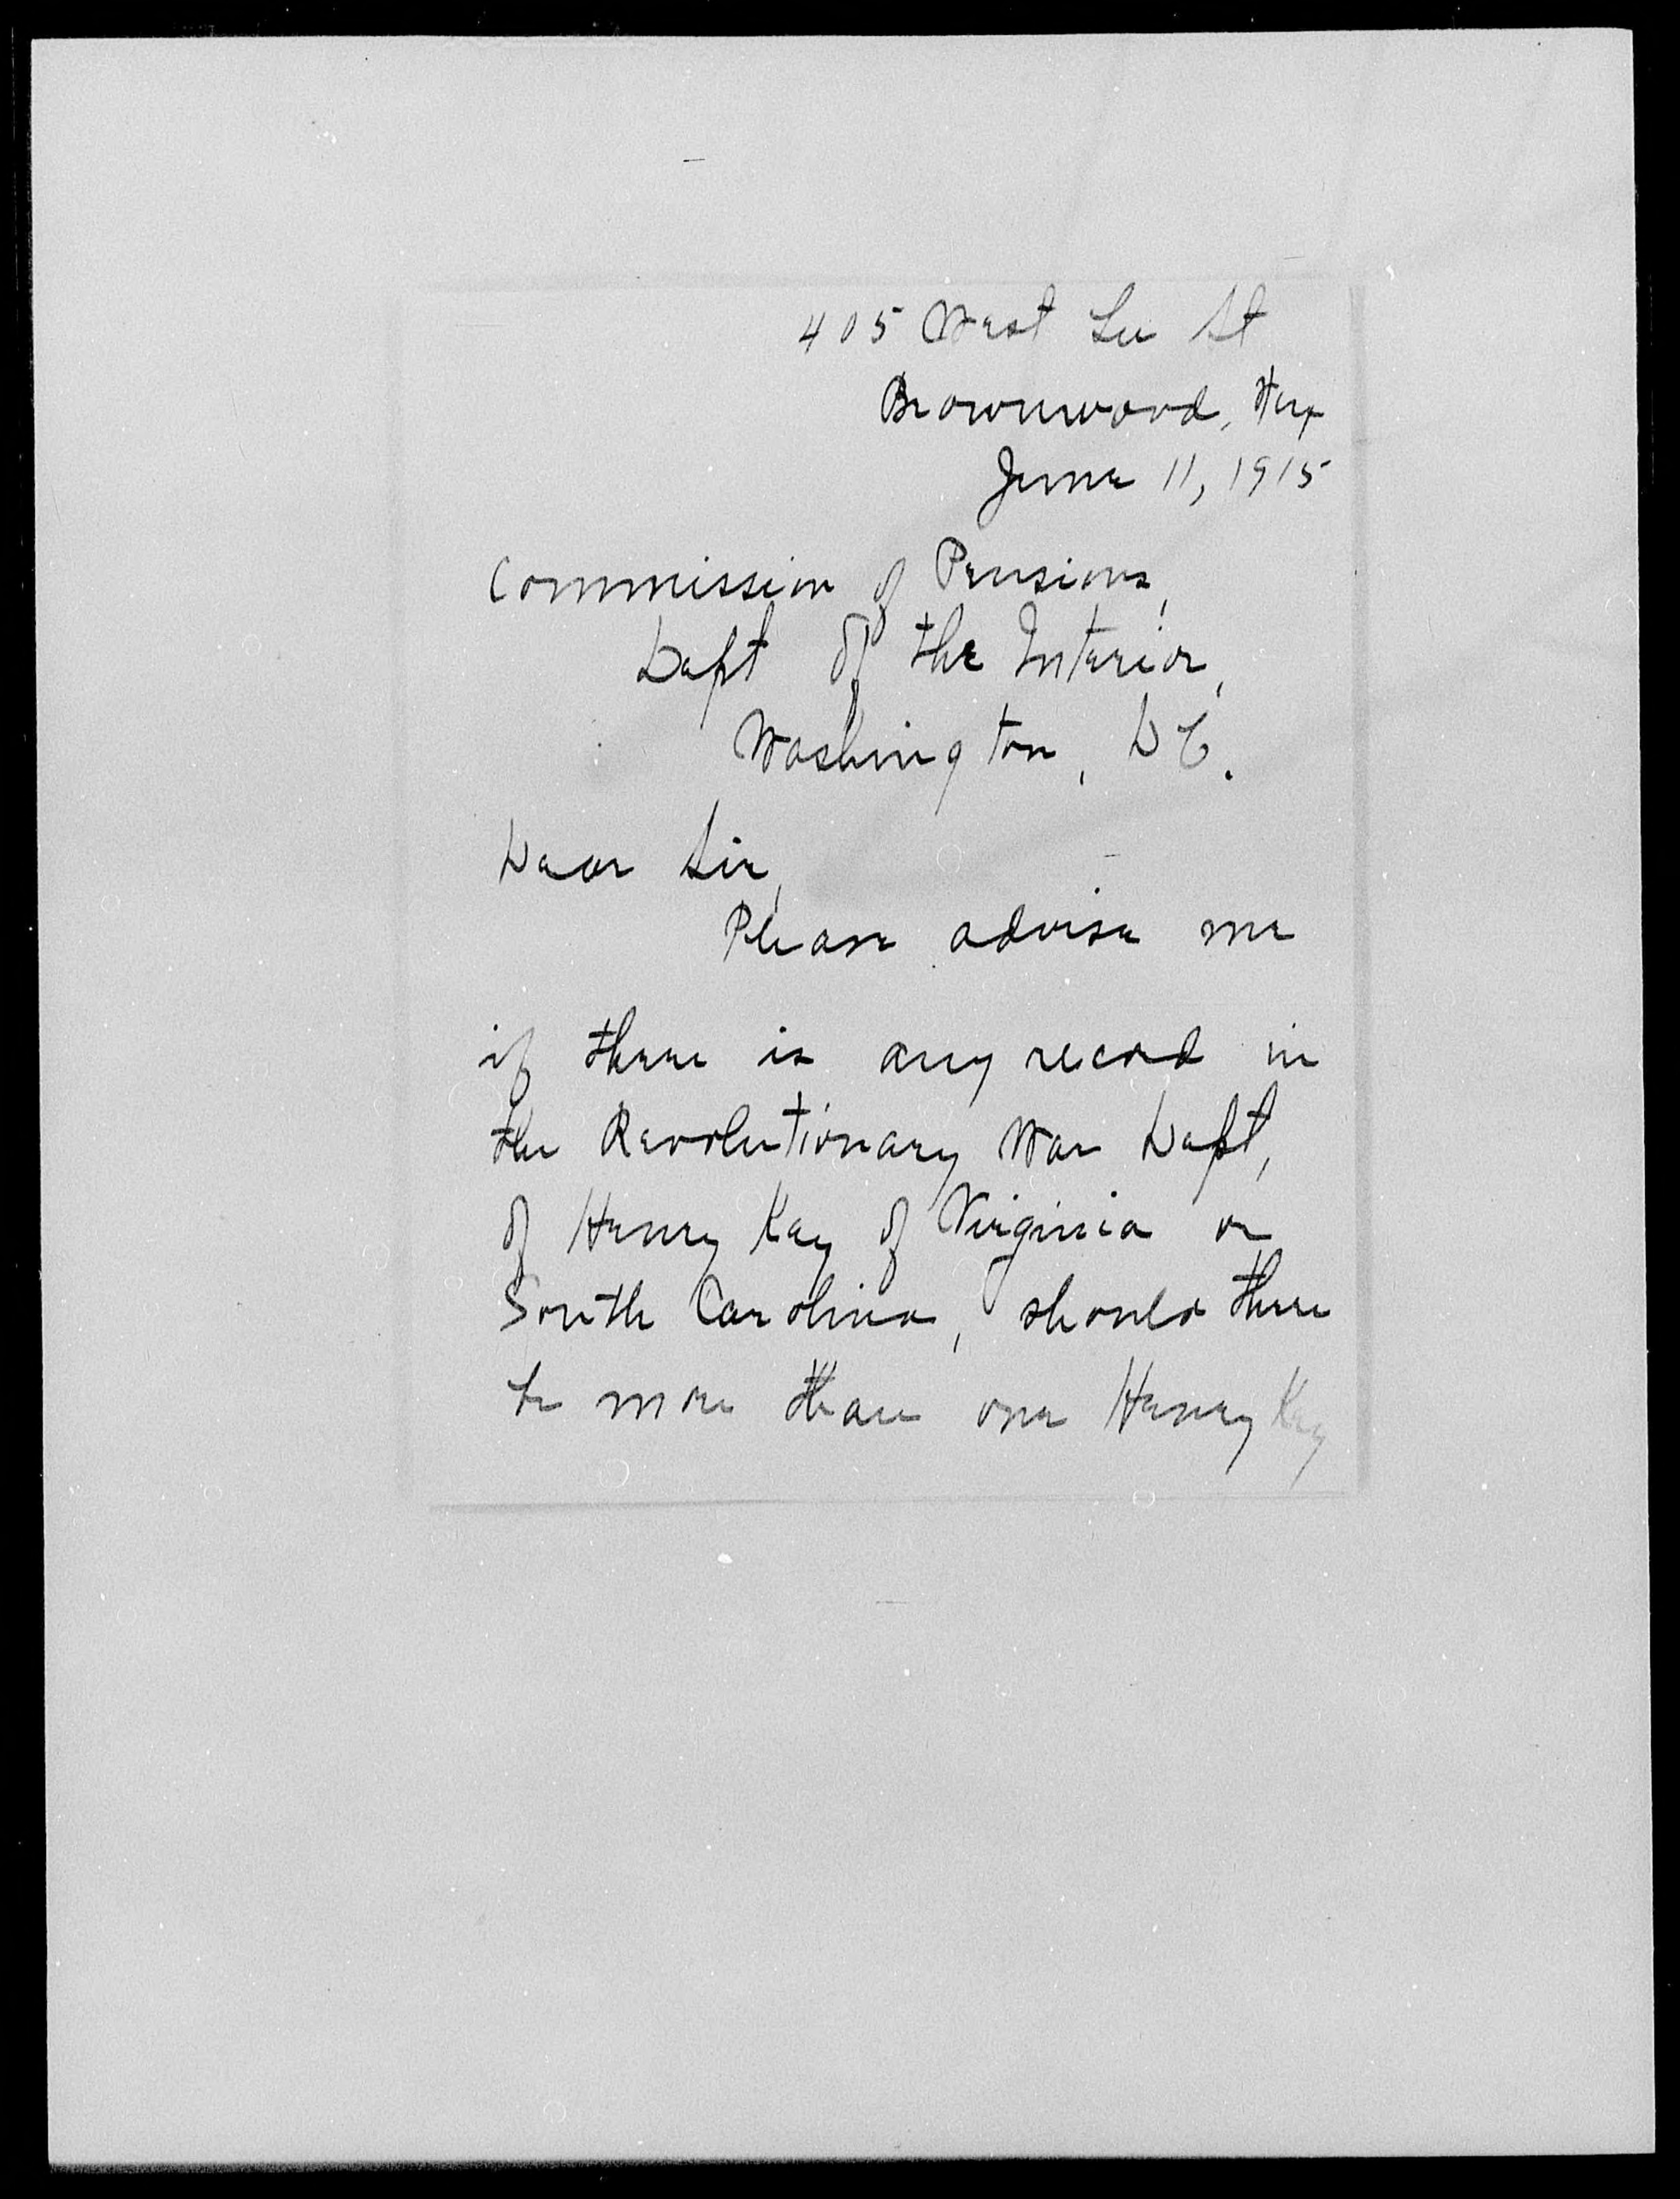Page 15

405 West Lee St
Brownwood, TX
June 11, 1915

Commission of Pensions
Dept of the Interior
Washington, DC.

Dear Sir,
Please advise me if there is any record in
the Revolutionary War Dept of Henry Key of Virginia or South Carolina. I should there for 
be more than one Henry Key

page: 15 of 25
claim: survivor's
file: S 38116, for Henry Key, Virginia